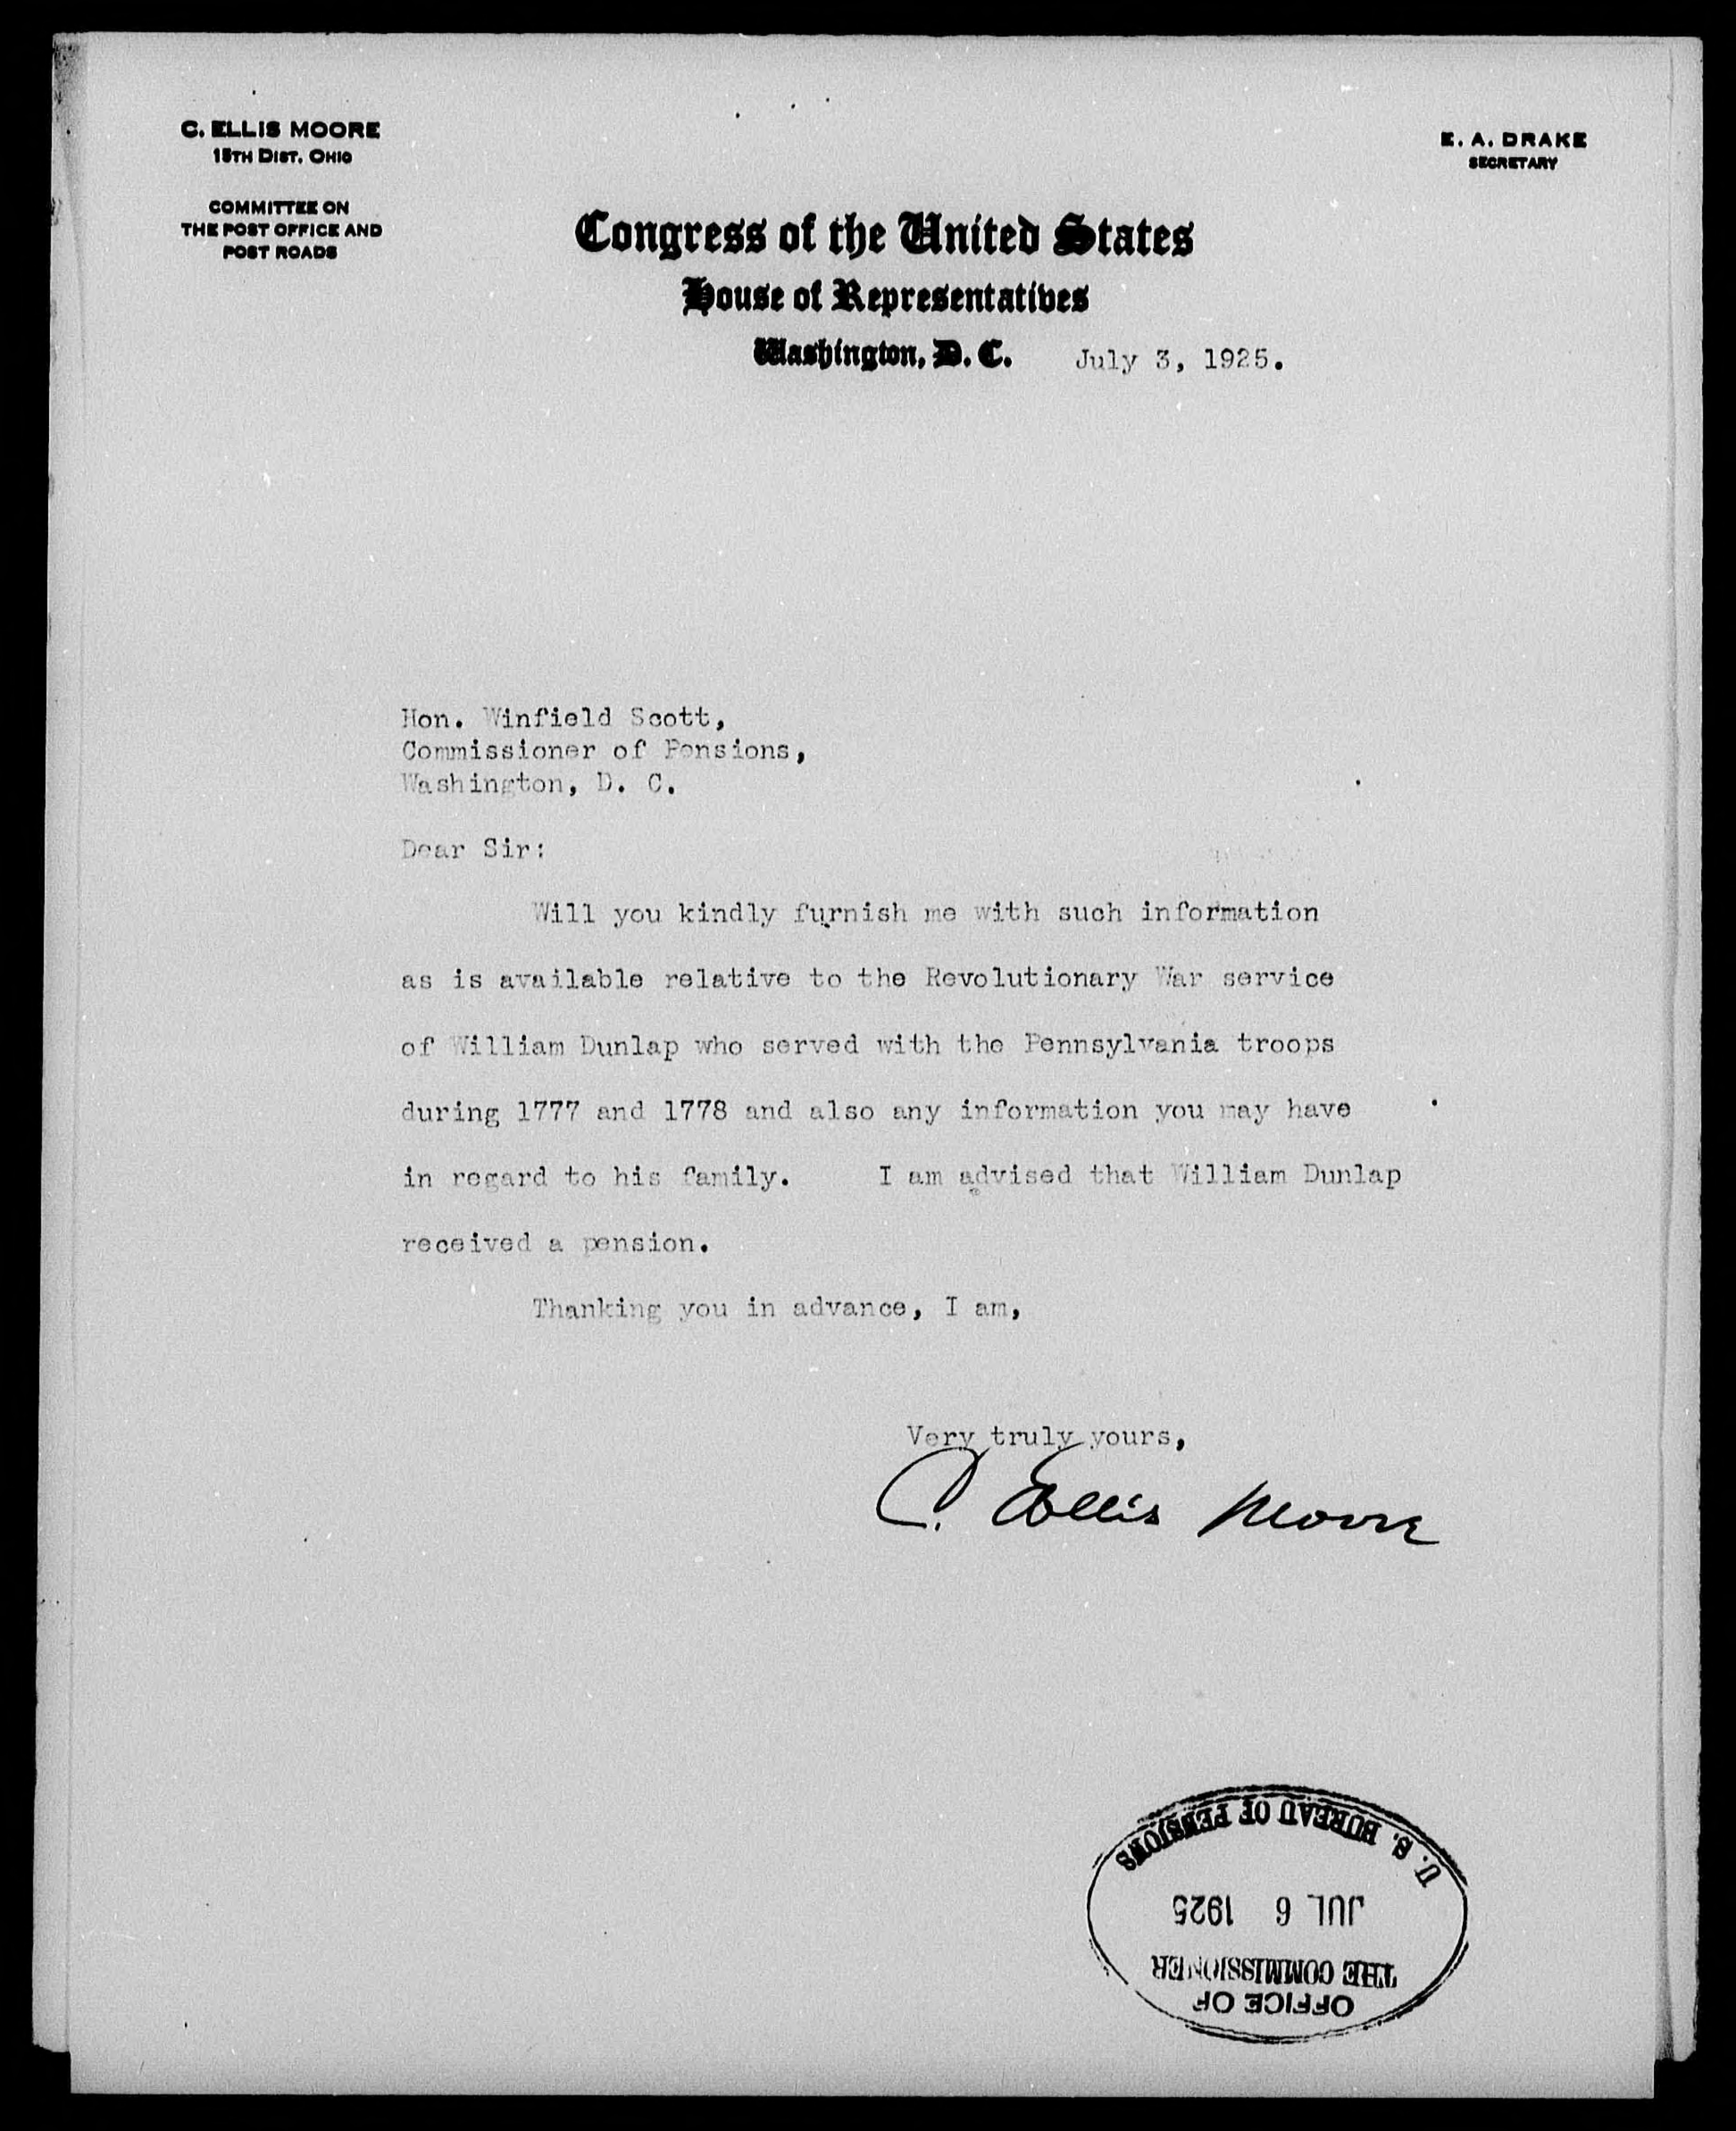[Typed]
C. ELLIS MOORE 15TH DIST. OHIO COMMITTEE ON THE POST OFFICE AND POST ROADS
E. A. DRAKE SECRETARY

Congress of the United States House of Representatives  Washington, D.C. July 3, 1925.

Hon Winfield Scott, Commissioner of Pensions, Washington, D. C.

Dear Sir: 
Will you kindly furnish me with such information as is available relative to the Revolutionary War service of William Dunlap who served with the Pennsylvania troops during 1777 and 1778 and also any information you may have in regard to his family.  I am advised that William Dunlap received a pension.  Thanking you in advance, I am, Very truly yours, [Signed] C. Ellis Moore


[Stamped] OFFICE OF THE COMMISSIONER U.S. BUREAU OF PENSIONS JUL 6 1925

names: William Dunlap, C Ellis Moore, E A Drake, William Dunlap, Winfield Scott, C Ellis Moore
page: 23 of 24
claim: survivor's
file: S. 15,415, William Dunlap, Penn.